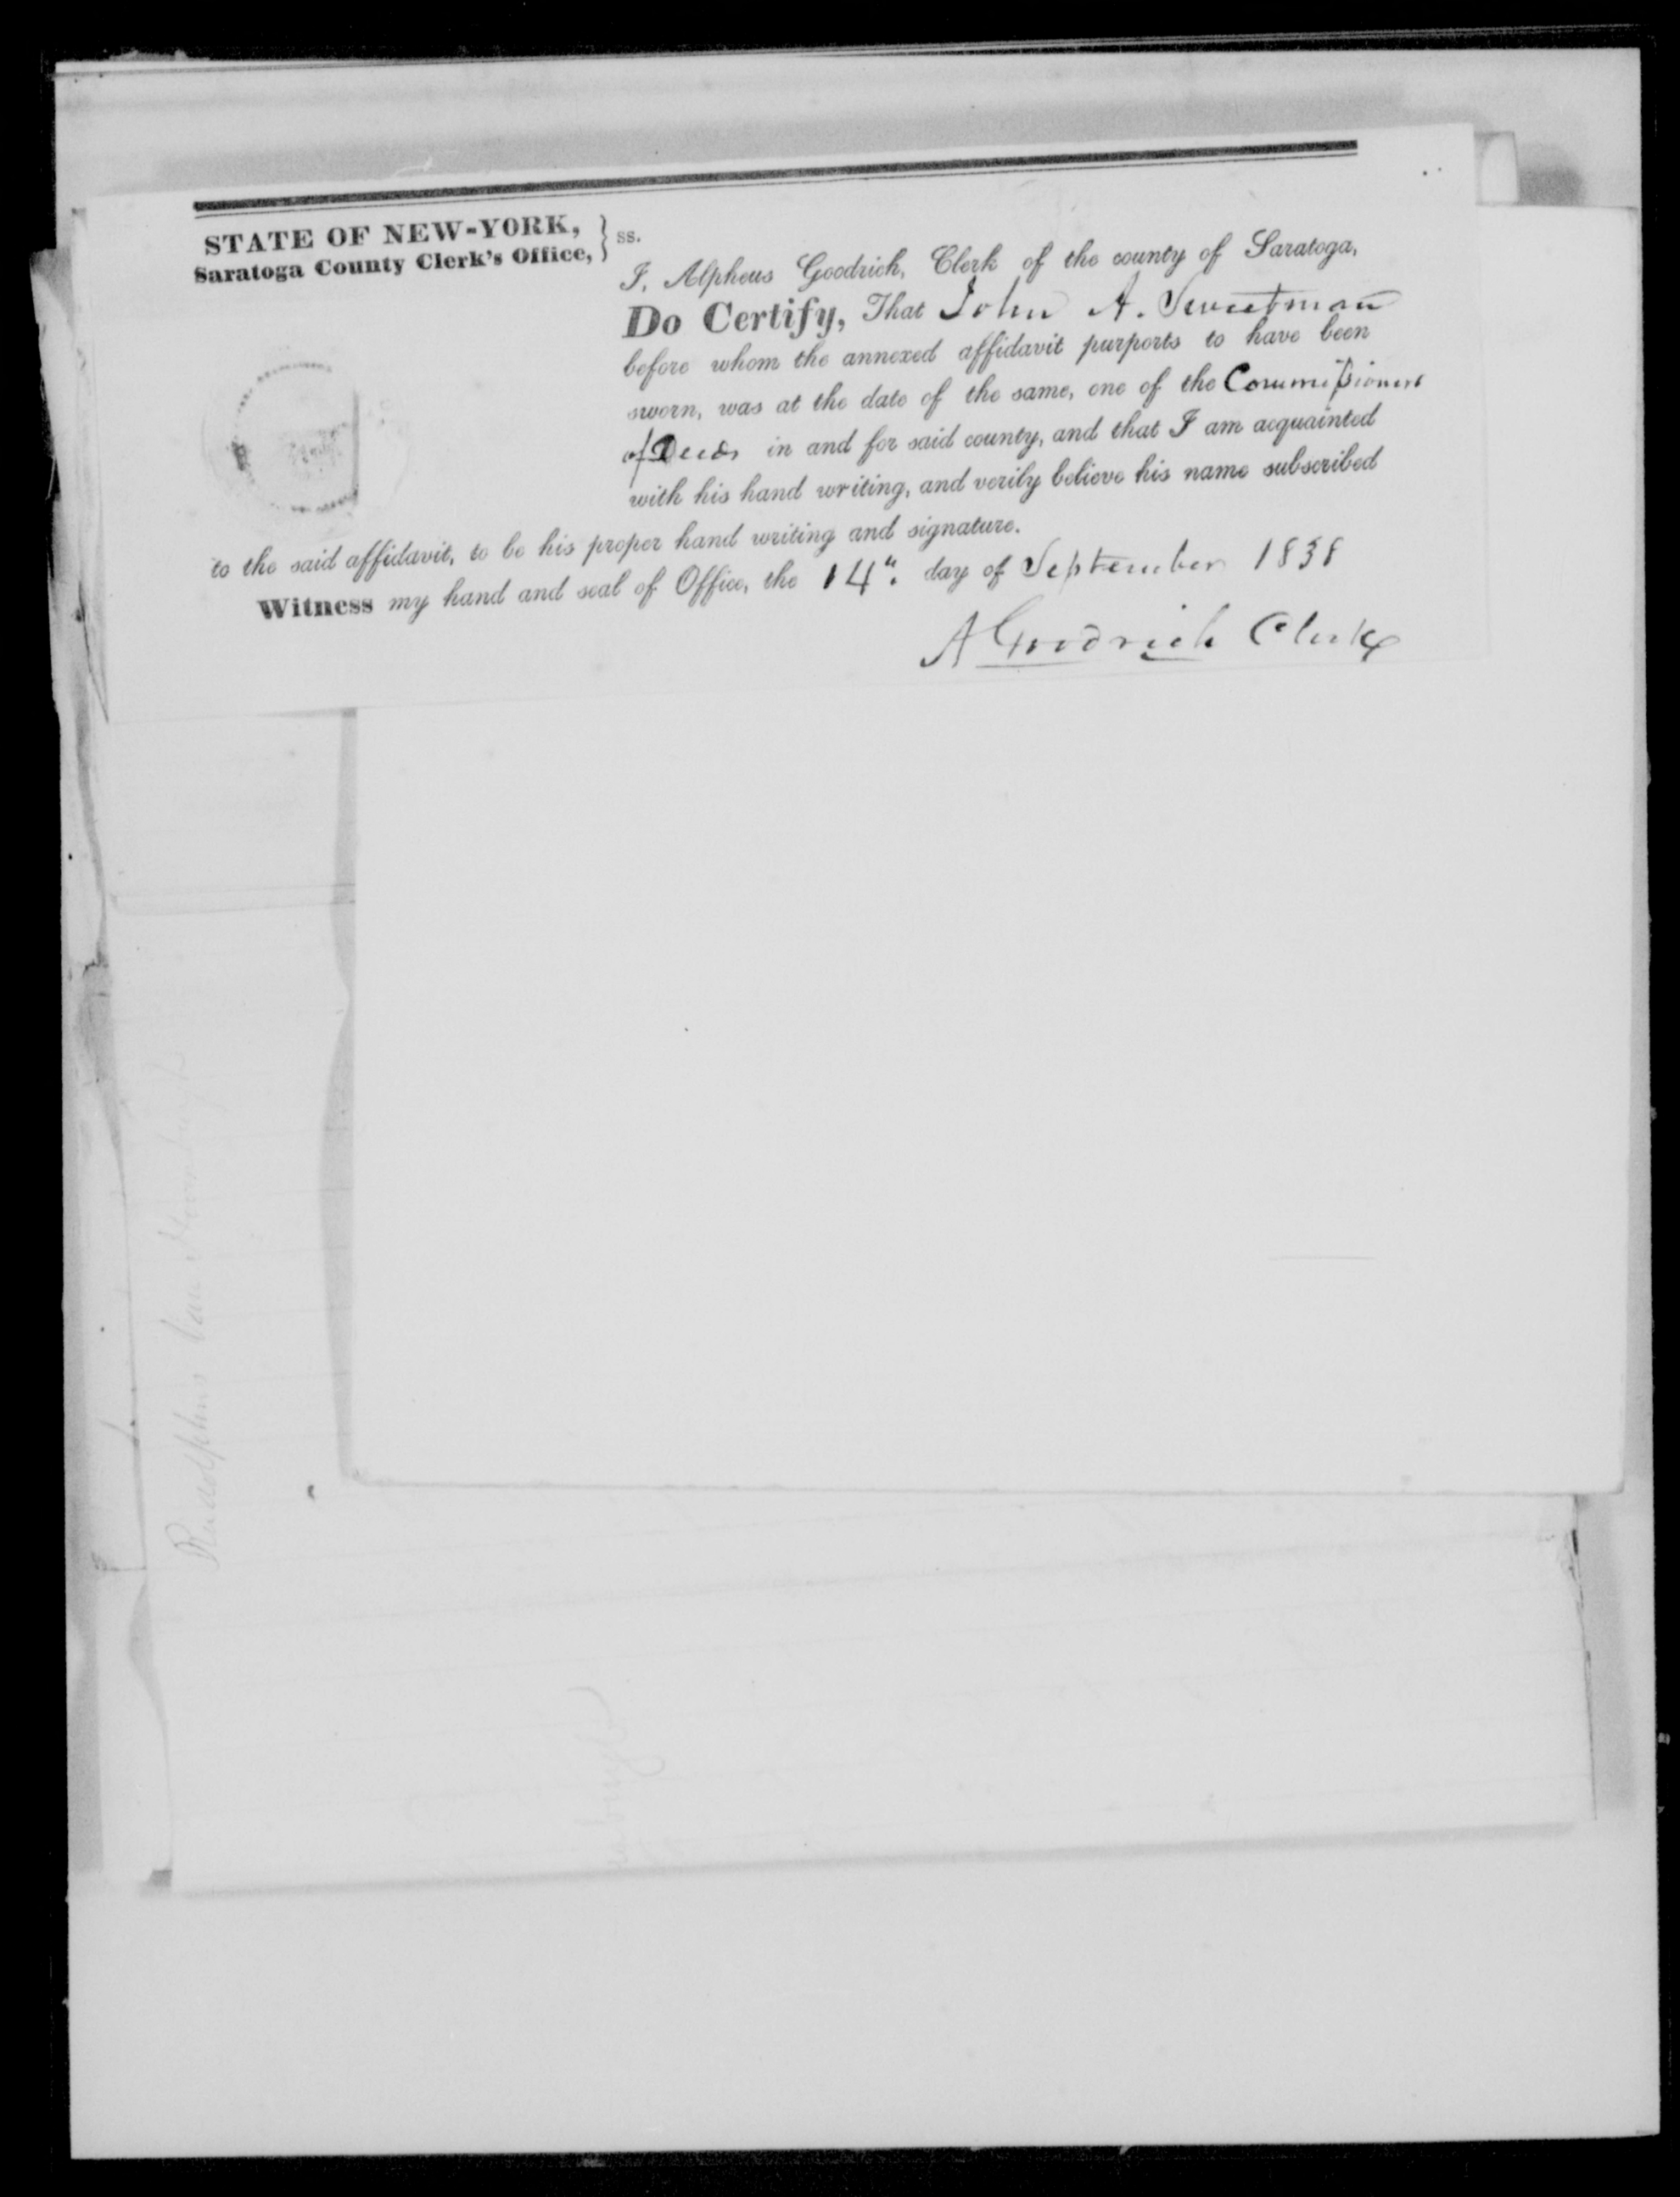STATE OF NEW-YORK,
Saratoga County Clerk's Office,}
SS.
I. Alpheus Goodrich, Clerk of the county of Saratoga,
Do Certify, That John A. Sweetman
before whom the annexed affidavit purports to have been
sworn, was at the date of the same, one of the Commissioners
of Deeds in and for said county, and that I am acquainted with
his hand writing, and verily believe his name subscribed
to the said affidavit, to be his proper hand writing and signature.
Witness my hand and seal of Office, the 14th day of September 1838
A Goodrich Clerk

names: A Goodrich, Alpheus Goodrich, John A Sweetman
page: 12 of 38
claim: widow's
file: W. 23324, Rudolphus Van Hoevenbergh, New York